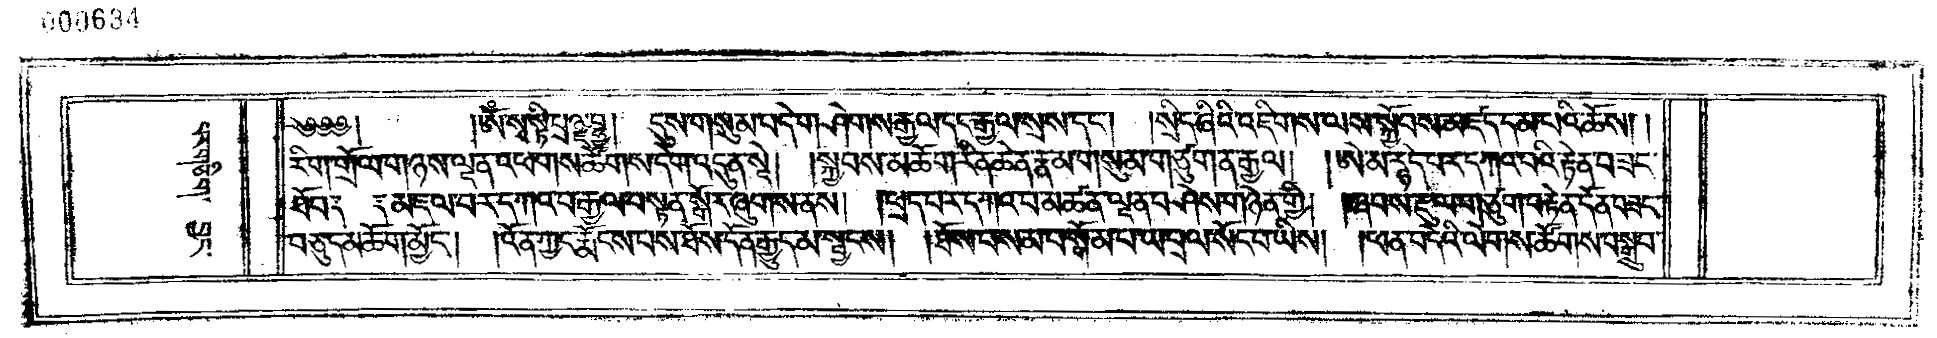༄༅༅། །ཨོཾ་སྭ་སྟི་པྲཉྫ་བྷྱ། དུས་གསུམ་བདེ་གཤེགས་རྒྱལ་དང་རྒྱལ་སྲས་དང་། །སྲིད་ཞིའི་འཇིགས་ལས་སྐྱོབས་མཛད་དམ་པའི་ཆོས། །
རིག་གྲོལ་གཉིས་ལྡན་འཕགས་ཚོགས་དགེ་འདུན་སྡེ། །སྐྱབས་མཆོག་རིན་ཆེན་རྣམ་གསུམ་གཙུག་ན་རྒྱལ། །ཨེ་མ་རྙེད་པར་དཀའ་བའི་རྟེན་བཟང་
ཐོབ༑ ༑མཇལ་བར་དཀའ་བ་རྒྱལ་བསྟན་སྒོར་ཞུགས་ནས། །ཕྲད་པར་དཀའ་བ་མཚན་ལྡན་བཤེས་གཉེན་གྱི། །ཞབས་རྡུལ་གཙུག་བརྟེན་དོན་བཟང་
བཅུད་མཆོག་མྱོང་། །འོན་ཀྱང་རྨོངས་པས་ཐོས་དོན་རྒྱུད་མ་སྦྱངས། །ཐོས་བསམ་བསྒོམ་པ་ཡ་བྲལ་སོང་བ་ཡིས། །ཕན་བདེའི་ལེགས་ཚོགས་བསྒྲུབ་